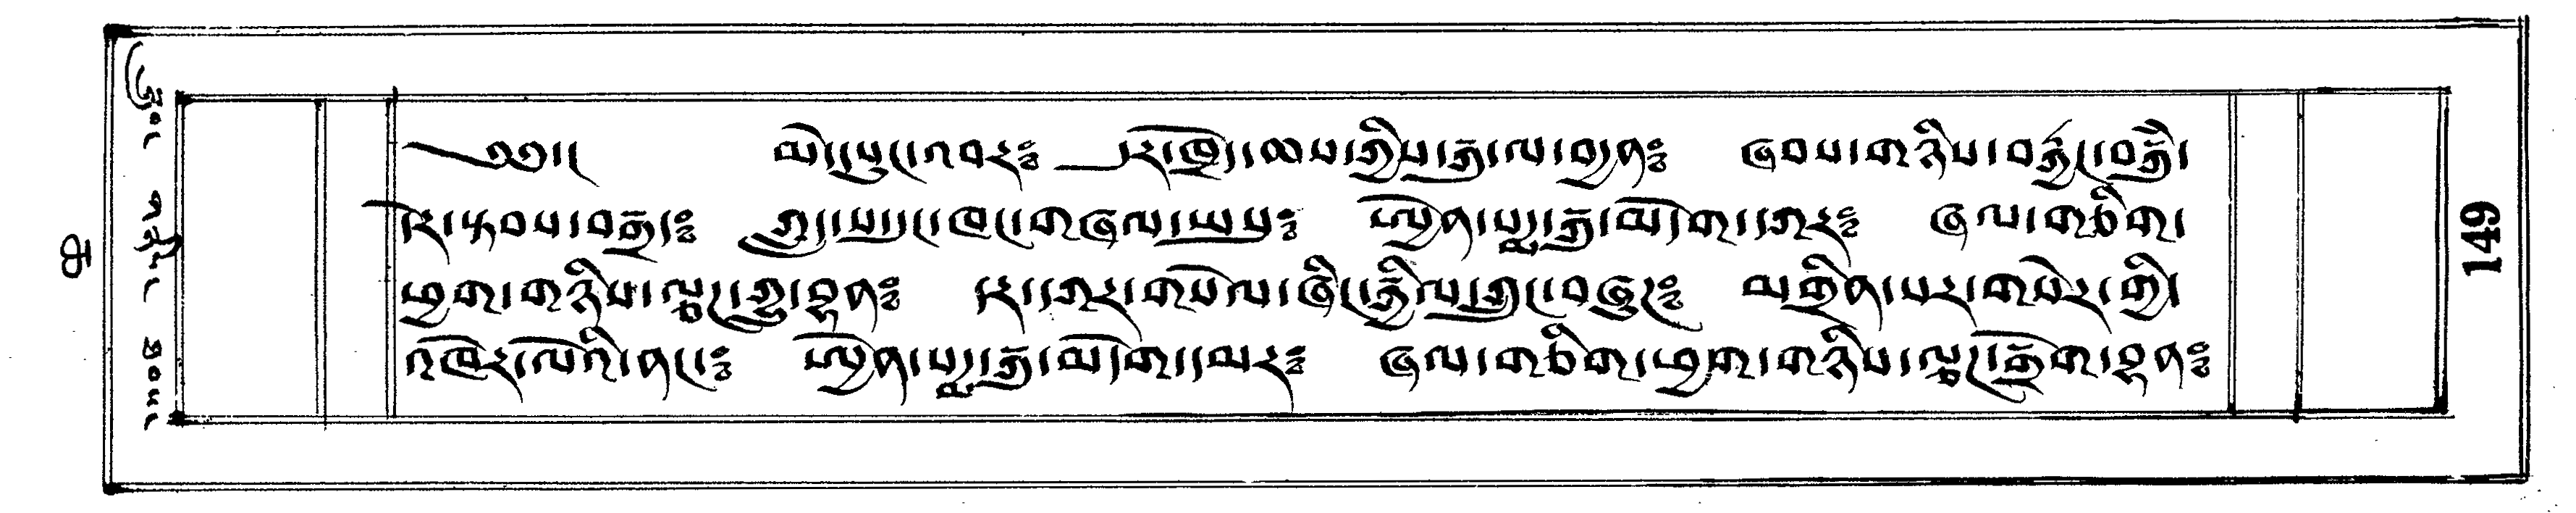མེ་དཔུང་འབར༔ དུར་ཁྲོད་ཆས་ཀྱིས་སྐུ་ལ་བརྒྱན༔ ཞབས་གཉིས་བརྐྱང་བསྐུམ་
དོར་སྟབས་བསྒྲད༔ ཀླད་པ་དུང་ཁང་གཞལ་ཡས་སུ༔ ཨོ་རྒྱན་པདྨ་སྐུ་མདོག་དཀར༔ ཞལ་གཅིག་
ཕྱག་གཉིས་ལྕགས་ཀྱུ་བྷན༔ དར་དཀར་གསོལ་ཞིང་སྐྱིལ་ཀྲུང་བཞུགས༔ མགྲིན་པར་གསེར་གྱི་
འཁོར་ལོའི་ནང༔ ཨོ་རྒྱན་པདྨ་སྐུ་མདོག་དམར༔ ཞལ་གཅིག་ཕྱག་གཉིས་ལྕག་སྒྲོག་བྷན༔